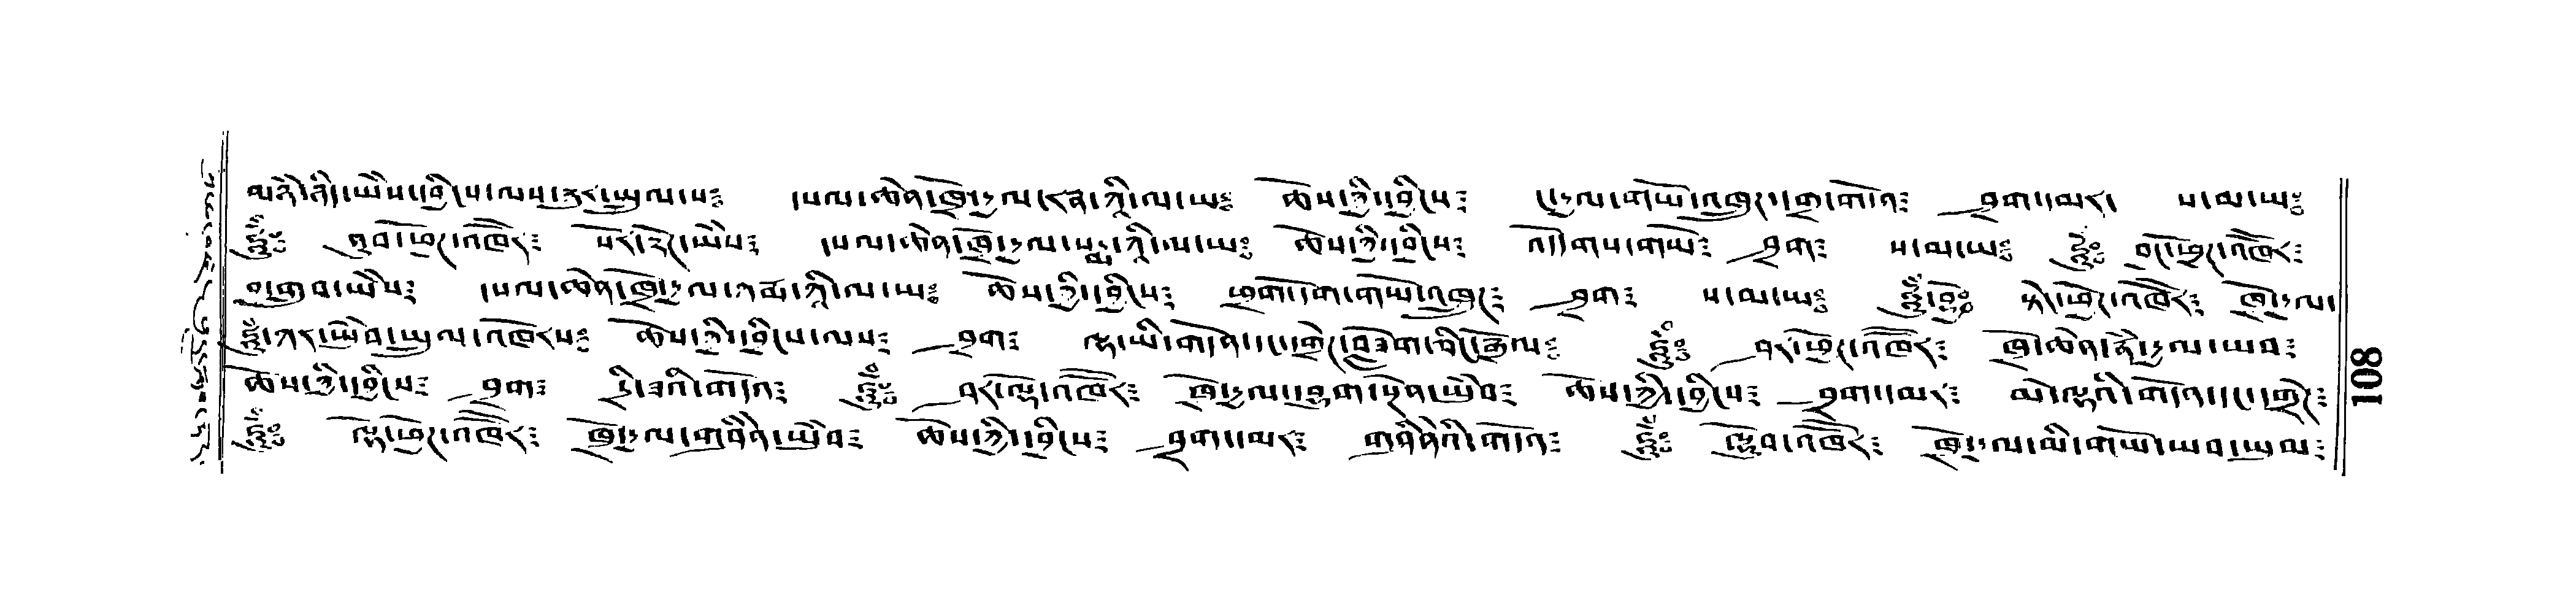མཉམ་ཉིད་ཡེ་ཤེས་དབྱིངས་ལས་སྐུར་སྤྲུལ་པ༔ དཔལ་ཆེན་ཁྲོ་རྒྱལ་རཏྣ་ཀཱི་ལ་ཡ༔ ཆོས་ཀྱི་དབྱིངས་ནས༴ ང་རྒྱལ་གཡོ་འཁྲུགས༴ ཤ་ཁྲག་དམར༴ ས་མ་ཡ༔ 
ཧཱུྃ༔ ནུབ་ཕྱོགས་འཁོར་ལོ༴ སོར་རྟོགས་ཡེ་ཤེས༴ དཔལ་ཆེན་ཁྲོ་རྒྱལ་པདྨ་ཀཱི་ལ་ཡ༔ ཆོས་ཀྱི་དབྱིངས་ནས༴ འདོད་ཆགས་གཡོ་འཁྲུགས༴ ཤ་ཁྲག་དམར་གྱི༴ ས་མ་ཡ༔ ཧཱུྃ༔ བྱང་ཕྱོགས་འཁོར་ལོ༴ 
བྱ་གྲུབ་ཡེ་ཤེས༴དཔལ་ཆེན་ཁྲོ་རྒྱལ་ཀརྨ་ཀཱི་ལ་ཡ༔ ཆོས་ཀྱི་དབྱིངས་ནས༴ ཕྲག་དོག་གཡོ་འཁྲུགས༴ ཤ་ཁྲག་དམར་གྱི༴ ས་མ་ཡ༔ ཧཱུྃ་བྷྱོ༔ སྟེང་ཕྱོགས་འཁོར་ལོ༴ ཁྲོ་རྒྱལ་
ཧཱུྃ་ཀར་ཡབ་ཡུམ་སྤྲུལ་འཁོར་བཅས༔ ཆོས་ཀྱི་དབྱིངས་ནས༴ ཤ་ཁྲག་དམར་གྱི༴ ལྷ་ཡི་གདོན་དང་དགྲ་བགེགས་བཟློག་ཅིང་སྒྲོལ༔ ཧཱུྃ༔ ཤར་ཕྱོགས་འཁོར་ལོ༴ ཁྲོ་ཆེན་རྣམ་རྒྱལ་ཡབ་ཡུམ༴ 
ཆོས་ཀྱི་དབྱིངས་ནས༴ ཤ་ཁྲག་དམར་གྱི༴ དྲི་ཟའི་གདོན་ཚོགས༴ ཧཱུྃ༔ ཤར་ལྷོ་འཁོར་ལོ༴ ཁྲོ་རྒྱལ་དབྱུུག་སྔོན་ཡབ་ཡུམ༴ ཆོས་ཀྱི་དབྱིངས་ནས༴ ཤ་ཁྲག་དམར༴ མེ་ལྷའི་གདོན་དང་དགྲེགས༴ 
ཧཱུྃ༔ ལྷོ་ཕྱོགས་འཁོར་ལོ༴ ཁྲོ་རྒྱལ་གཤིན་རྗེ་ཡབ་ཡུམ༴ ཆོས་ཀྱི་དབྱིངས་ནས༴ ཤ་ཁྲག་དམར་གྱི༴ གཤིན་རྗེའི་གདོན་ཚོགས༴ ཧཱུྃ༔ ལྷོ་ནུབ་འཁོར་ལོ༴ ཁྲོ་རྒྱལ་མི་གཡོ་ཡབ་ཡུམ༴